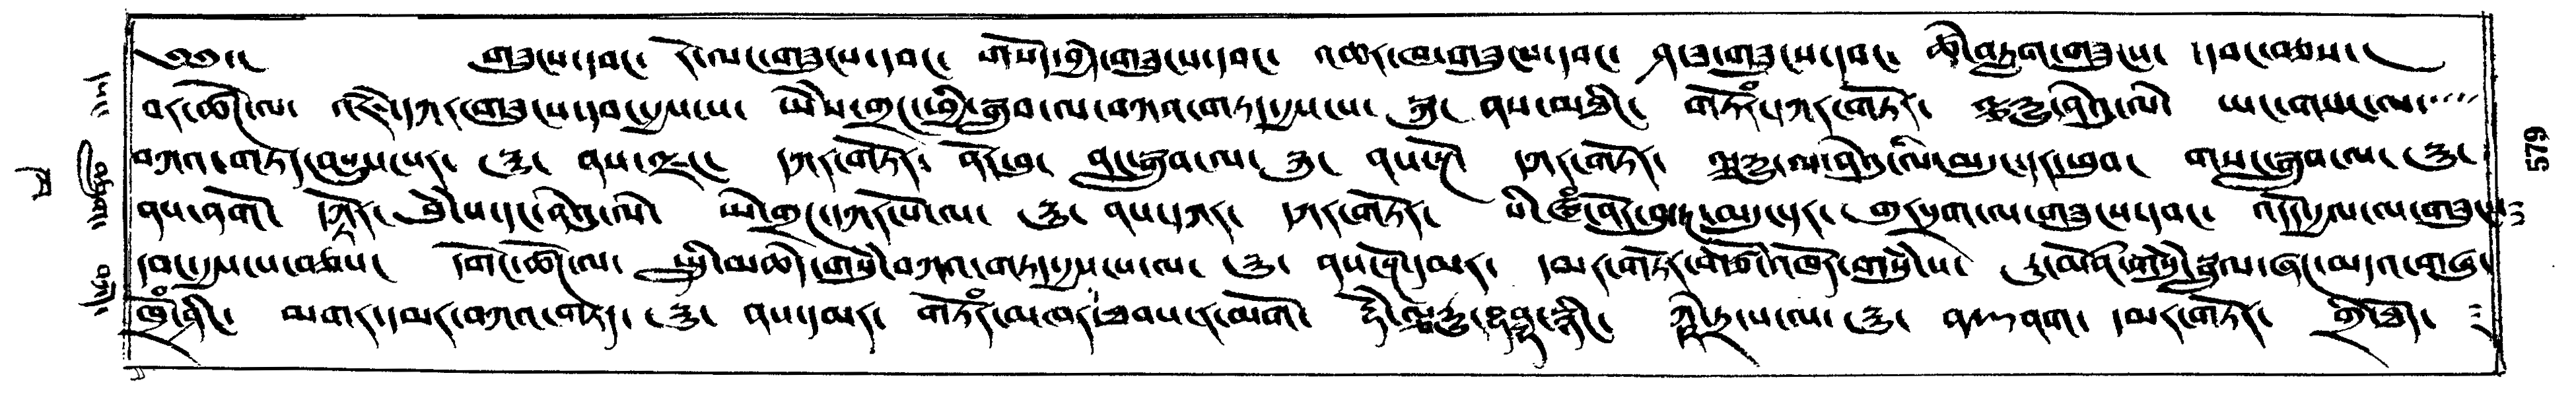གཟུངས་དབང་། རོ་ལང་གཟུངས་དབང་། གསོད་བྱེད་གཟུངས་དབང་། འཆར་ཁ་གཟུངས་དབང་། ཤ་ཟ་གཟུངས་དབང་། ཚེ་བརླག་གཟུངས་དབང་བཅས། 
བར་ཚོགས་ལ། འཇམ་དཀར་གཟུངས་དབང་རྒྱས་པ། ཡེ་ཤེས་གྲགས་ཕྱི་སྒྲུབ་ལ་བཀའ་གཏད་རྒྱས་པ། སྐུ། ནས་མཐིང་། གཏོར་མ་དཀར་གཏོར། ལྕགས་ཀྱུ་ནེའུ་ལེ། ཡང་གསང་ལ་
བཀའ་གཏད་བསྡུས་པ། སྐུ། ནས་ལྗང་། དཀར་གཏོར། ནོར་བུ། ནང་སྒྲུབ་ལ། སྐུ། ནས་སྔོ། དཀར་གཏོར། ལྕགས་ཀྱུ། ནེའུ་ལེ། མདུང་དར། ཕུབ། གསང་སྒྲུབ་ལ། སྐུ།
ནས་ནག་པོ། དཀར་གཏོར། བུམ་པ་དང་། ནེའུ་ལེ། ཡེ་གྲགས་དཀར་པོ་ལ། སྐུ། ནས་དཀར། དཀར་གཏོར། པི་ཝཾ། ནོར་བུ། རྔ། མདུང་དར། གུར་དྲག་ལ་གཟུངས་
དབང་། འདོད་རྒྱལ་ལ་གཟུང་དབང་རྒྱས་པ་བཅས། དགོང་ཚོགས་ལ། སྤུ་གྲི་མཆེད་གསུམ་བཀའ་གཏད་རྒྱས་པ་ལ། སྐུ། ནས་སྔོ་དམར། དམར་གཏོར་གཙོ་འཁོར་གསུམ་པ། རུ་མཚོན་གསུམ་སྦྲུལ་ཞགས་མདའ་གཞུང་
ཁྲམ་ཤིང་། མགར་དམར་བཀའ་གཏད། སྐུ། ནས་དམར། གཏོར་མཁར་ཐབས་ར་མགོ། རྡོ་རྗེ་ལྕགས་ཀྱུ་བྷནྡྷ་སྙིང་། ཀྵེ་ཏྲ་པ་ལ་སྐུ། ནས་ནག། དམར་གཏོར། གྲི་ཐོད་